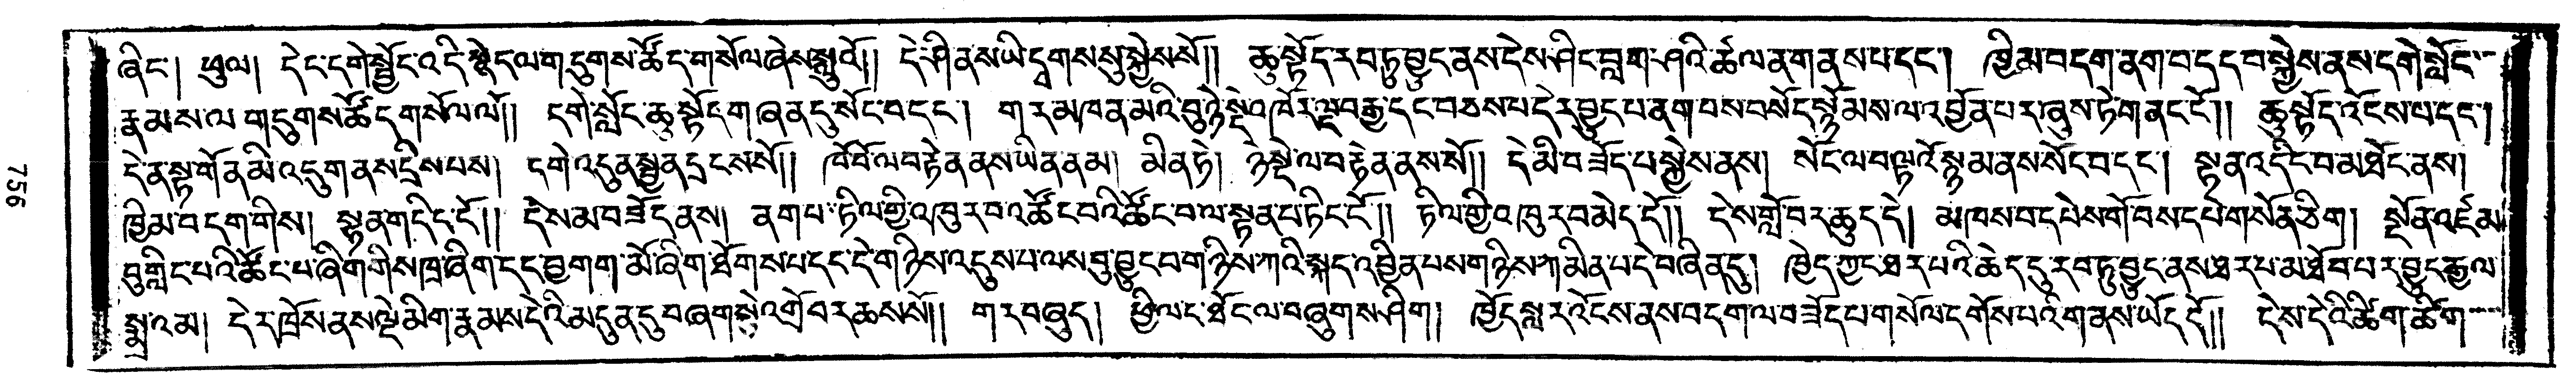ཞིང་། ཕུལ། དེང་དགེ་སྦྱོང་འདི་སྙེད་ལ་གདུགས་ཚོད་གསོལ་ཞེས་སླུའོ།། དེ་ཤི་ནས་ཡི་དྭགས་སུ་སྐྱེས་སོ།། ཆུ་སྟོད་རབ་ཏུ་བྱུང་ནས་དེས་ཤིང་བླག་ཤའི་ཚལ་ན་གནས་པ་དང་། ཁྱིམ་བདག་ནག་པ་དད་པ་སྐྱེས་ནས་དགེ་སློང་
རྣམས་ལ་གདུགས་ཚོད་གསོལ་ལོ།། དགེ་སློང་ཆུ་སྟོད་གཞན་དུ་སོང་བ་དང་། གར་མཁན་མའི་བུ་ཉེ་སྡེ་འཁོར་ལྔ་བརྒྱ་དང་བཅས་པ་དེར་བྱུང་པ་ནག་པས་བསོད་སྙོམས་ལ་འབྱོན་པར་ཞུས་ཏེ་གནང་ངོ།། ཆུ་སྟོད་འོངས་པ་དང་།
དེ་ན་སྟ་གོན་མི་འདུག་ནས་དྲིས་པས། དགེ་འདུན་སྤྱན་དྲངས་སོ།། ཁོ་བོ་ལ་བརྟེན་ནས་ཡིན་ནམ། མིན་ཏེ། ཉེ་སྡེ་ལ་བརྟེན་ནས་སོ།། དེ་མི་བཟོད་པ་སྐྱེས་ནས། སོང་ལ་བལྟའོ་སྙམ་ནས་སོང་བ་དང་། སྟན་འདིང་བ་མཐོང་ནས།
ཁྱིམ་བདག་གིས། སྟན་གདིང་ངོ།། དེས་མ་བཟོད་ནས། ནག་པ༑ ཏིལ་གྱི་འཁུར་བ་འཚོང་བའི་ཚོང་བ་ལ་སྟན་པ་ཏིང་ངོ།། ཏིལ་གྱི་འཁུར་པ་མེད་དོ།། དེས་གློ་བར་ཆུད་དེ། མཁས་པ་དཔེས་གོ་བས་དཔེ་གསོན་ཅིག །སྔོན་འཛམ་
བུ་གླིང་པའི་ཚོང་པ་ཞིག་གིས་ཁྲ་ཞིག་དང་བྱ་གག་མོ་ཞིག་ཐོགས་པ་དང་དེ་གཉིས་འདུས་པ་ལས་བུ་བྱུང་བ་གཉིས་ཀའི་སྐད་འབྱིན་པས་གཉིས་ཀ་མིན་པ་དེ་བཞིན་དུ། ཁྱེད་ཀྱང་ཐར་པའི་ཆེད་དུ་རབ་ཏུ་བྱུང་ནས་ཐར་པ་མ་ཐོབ་པར་བྱུང་རྒྱལ་
སྨྲའམ། དེར་ཁྲོས་ནས་ལྡེ་མིག་རྣམས་དེའི་མདུན་དུ་བཞག་སྟེ་འགྲོ་བར་ཆས་སོ།། གར་བཞུད། ཕྱི་ལང་ཐོང་ལ་བཞུགས་ཤིག། ཁྱོད་སླར་འོངས་ནས་བདག་ལ་བཟོད་པ་གསོལ་དགོས་པའི་གནས་ཡོད་དོ།། དེས་དེའི་ཚིག་ཚིག་